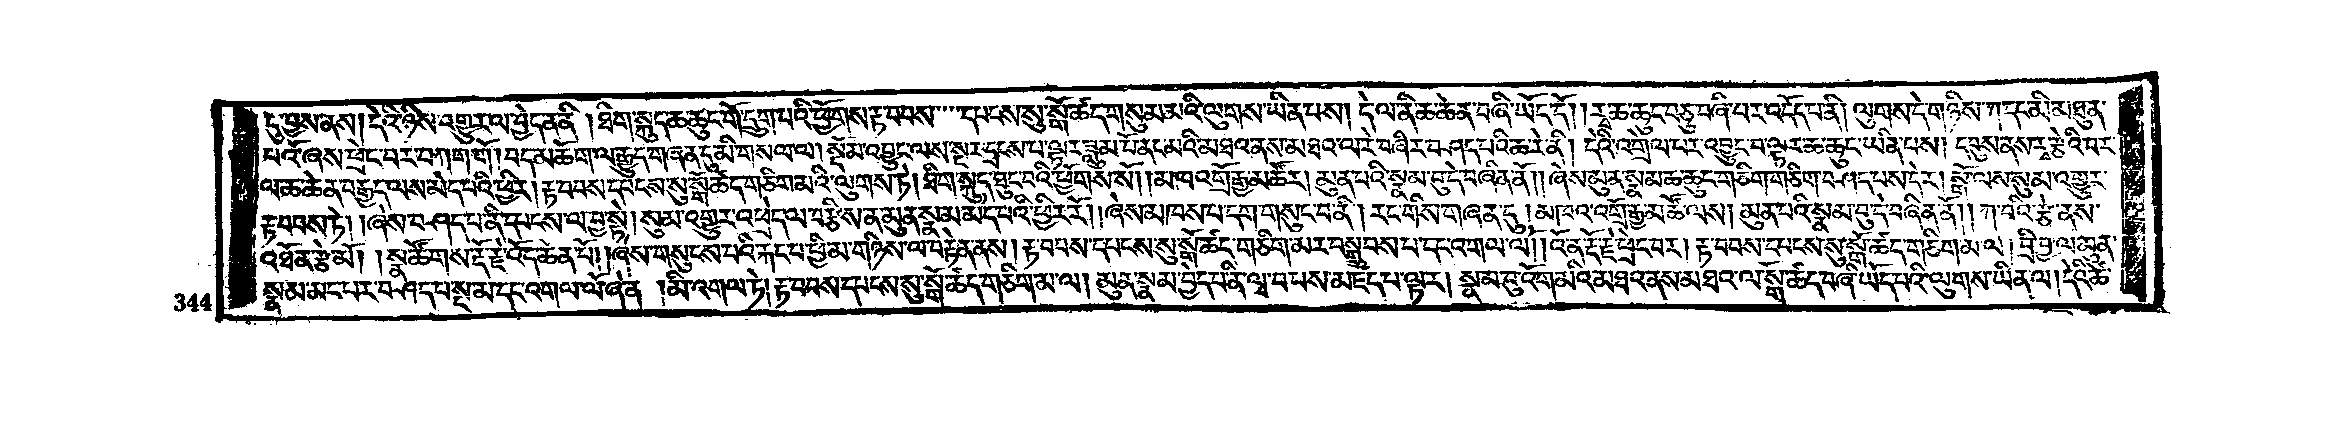དུ་བྱས་ནས། དེའི་ཉིས་འགྱུར་ལ་བྱེད་ན་ནི། ཐིག་སྐུད་ཆ་ཆུང་གོ་དྲུག་པའི་ཕྱོགས་རྟ་བབས་དཔངས་སུ་སྒོ་ཚད་གསུམ་མའི་ལུགས་ཡིན་པས། དེ་ལ་ནི་ཆ་ཆེན་བཞི་ཡོད་དོ། །རྭ་ཆ་ཆུང་བཅུ་བཞི་པར་འདོད་པ་ནི། ལུགས་དེ་གཉིས་ཀ་དང་མི་མཐུན་
པའོ་ཞས་ཕྲེང་བར་བཀག་གོ །བདེ་མཆོག་ལ་རྒྱུད་གཞན་དུ་མི་གསལ་ལ། སྡོམ་འབྱུང་ལས་སྔར་དྲངས་པ་ལྟར་ཟླུམ་པོ་ནང་མའི་མཐའ་ནས་མཐའ་ལ་རེ་བཞིར་བཤད་པའི་ཆ་རེ་ནི། དེའི་འགྲེལ་པར་འབྱུང་བ་ལྟར་ཆ་ཆུང་ཡིན་པས། དབུས་ནས་རྭ་རྩེའི་བར་
ལ་ཆ་ཆེན་བརྒྱད་ལས་མེད་པའི་ཕྱིར། རྟ་བབས་དཔངས་སུ་སྒོ་ཚད་གཅིག་མའི་ལུགས་ཏེ། ཐིག་སྐུད་ཐུང་བའི་ཕྱོགས་སོ། །མཁའ་འགྲོ་རྒྱ་མཚོར། མུན་པའི་སྣམ་བུ་དེ་བཞིན་ནོ། །ཞེས་མུན་སྣམ་ཆ་ཆུང་གཅིག་གཅིག་བཤད་པས་དེར། སྒོ་ལས་སུམ་འགྱུར་
རྟ་བབས་ཏེ། །ཞེས་བཤད་པ་ནི་དཔངས་ལ་བྱ་སྟེ། སུམ་འགྱུར་འཕྲེད་ལ་བརྩིས་ན་མུན་སྣམ་མེད་པའི་ཕྱིར་རོ། །ཞེས་མཁས་པ་དག་གསུང་བ་ནི། རང་གིས་གཞན་དུ། མཁའ་འགྲོ་རྒྱ་མཚོ་ལས། མུན་པའི་སྣམ་བུ་དེ་བཞིན་ནོ། །ཀ་པའི་རྩེ་ནས་
འཐོན་རྩེ་མོ། །སྣ་ཚོགས་རྡོ་རྗེ་འོད་ཆེན་པོ། །ཞེས་གསུངས་པའི་རྐང་པ་ཕྱི་མ་གཉིས་ལ་བརྟེན་ནས། རྟ་བབས་དཔངས་སུ་སྒོ་ཚད་གཅིག་མར་བསྒྲུབས་པ་དང་འགལ་ལོ། །འོ་ན་རྡོ་རྗེ་ཕྲེང་བར། རྟ་བབས་དཔངས་སུ་སྒོ་ཚད་གཅིག་མ་ལ། བྲི་བྱ་ལ་མུན་
སྣམ་མང་པར་བཤད་པ་སྔ་མ་དང་འགལ་ལོ་ཞེ་ན་།མི་འགལ་ཏེ། རྟ་བབས་དཔངས་སུ་སྒོ་ཚད་གཅིག་མ་ལ། མུན་སྣམ་བྱེད་པ་ནི་ལྭ་བ་པས་མཛད་པ་ལྟར། སྣམ་བུ་འོག་མའི་མཐའ་ནས་མཐའ་ལ་སྒོ་ཚད་བཞི་ཡོད་པའི་ལུགས་ཡིན་ལ། དེའི་ཚེ་